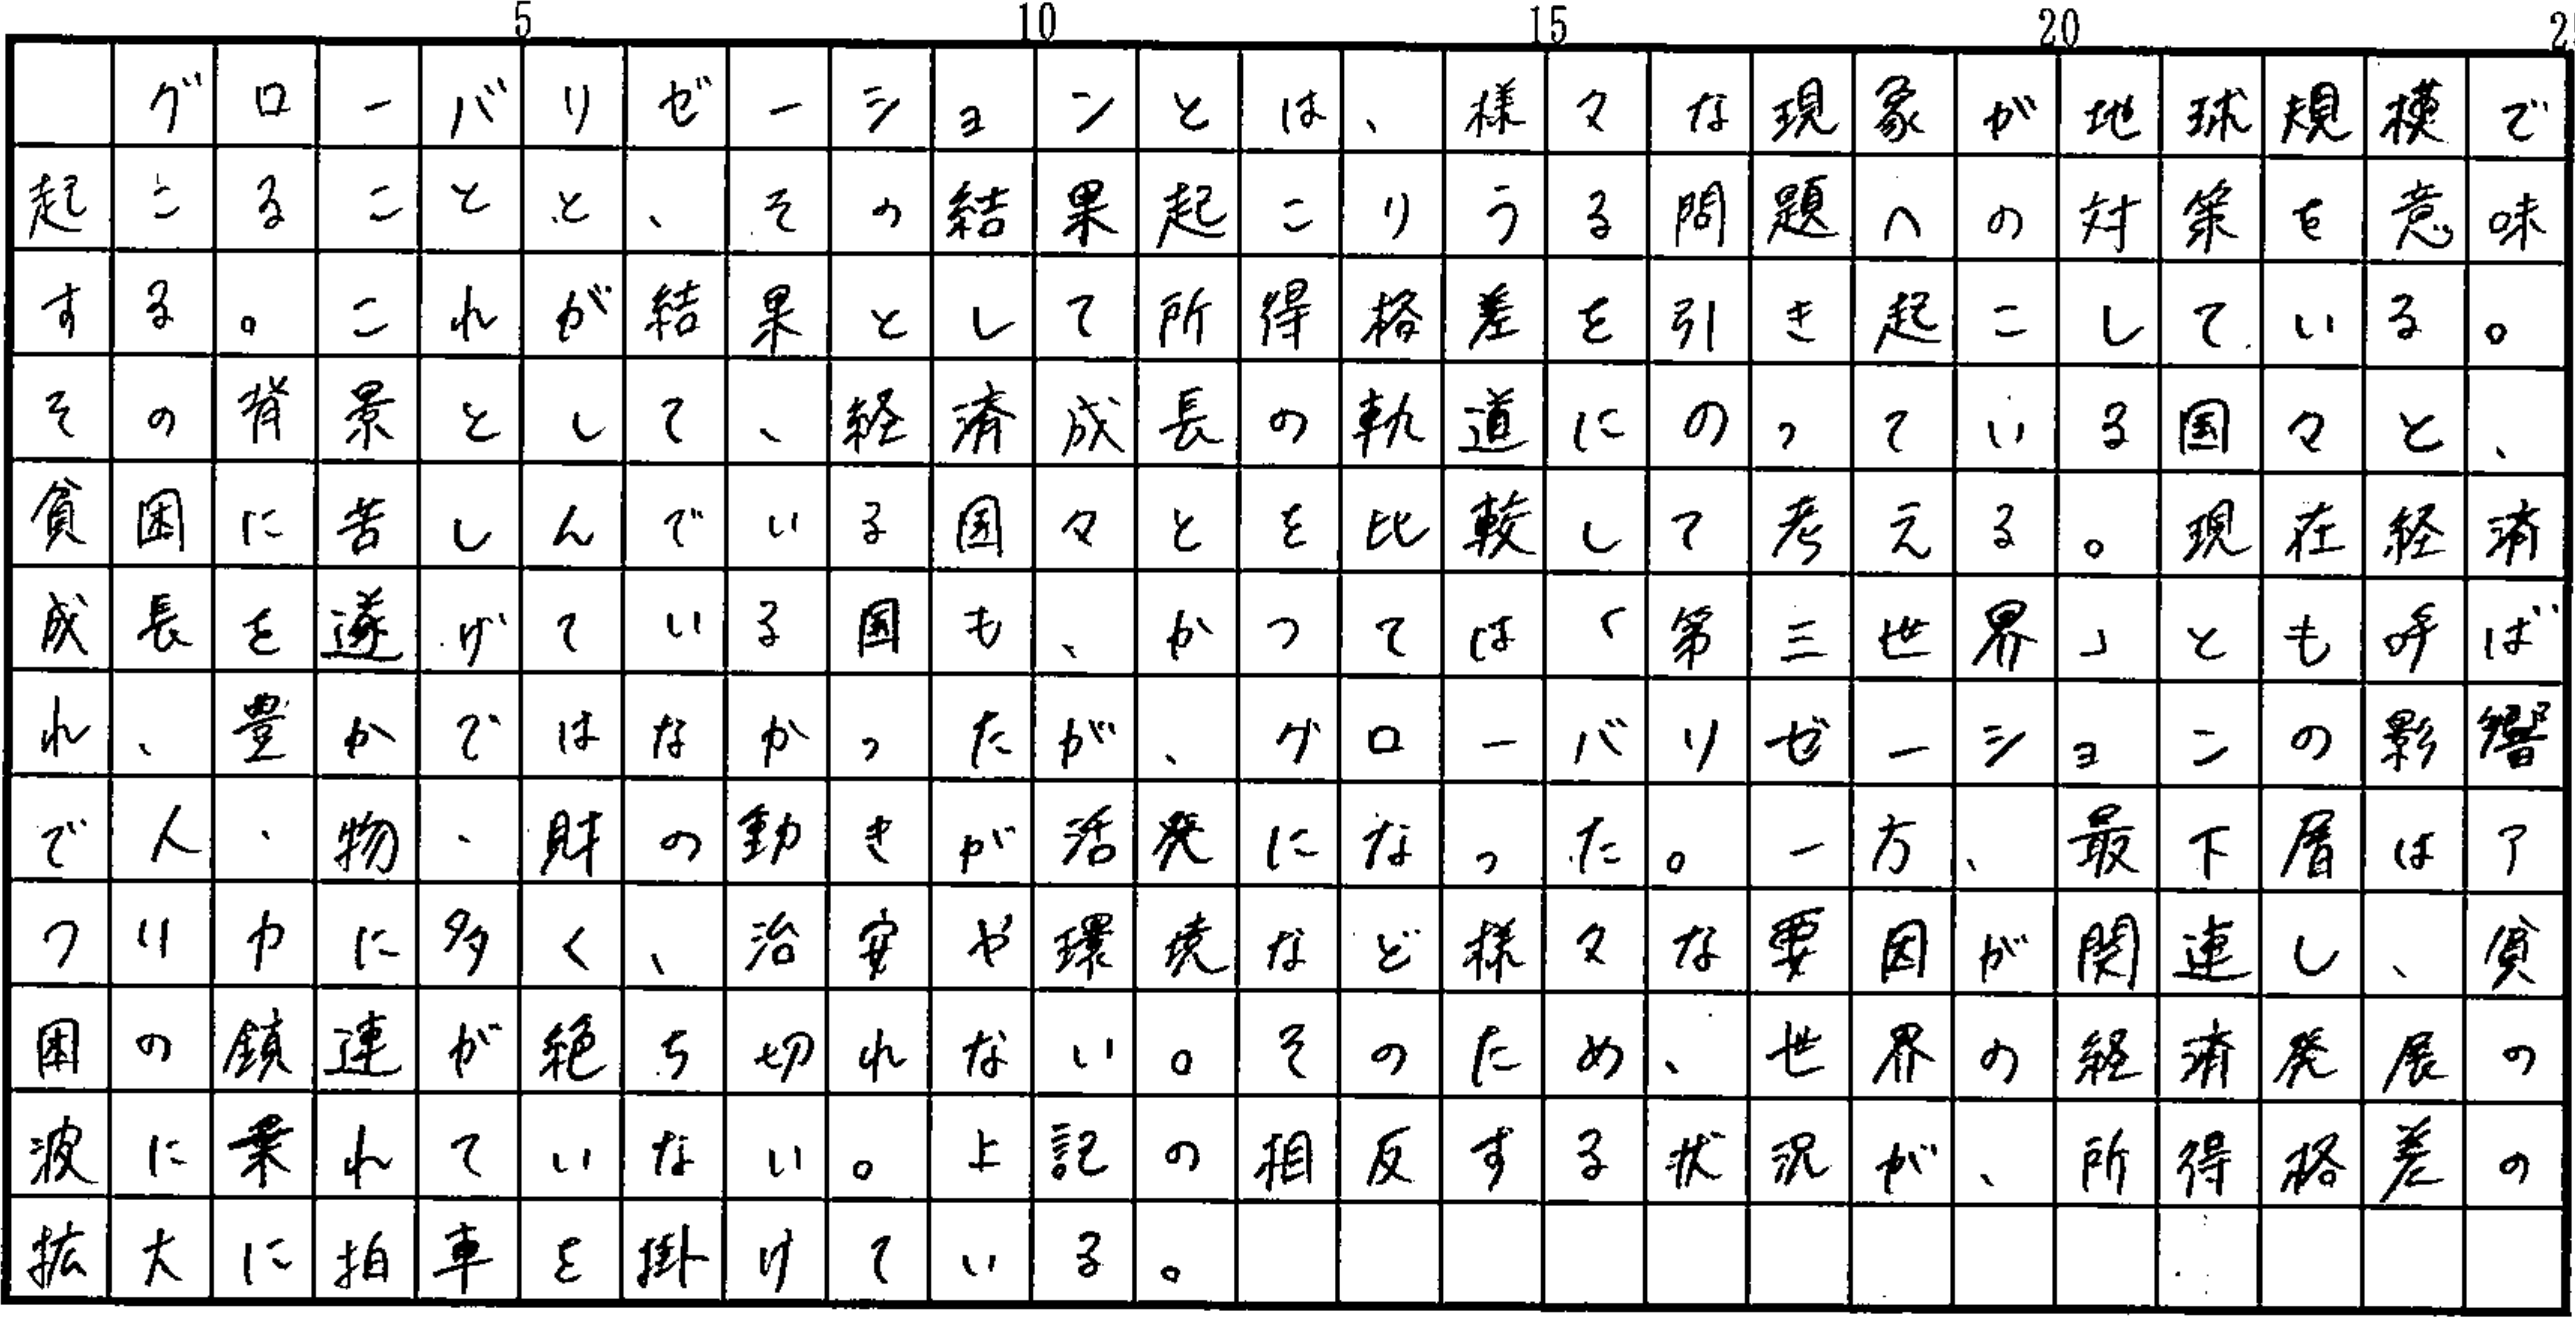　グローバリゼーションとは、様々な現象が地球規模で起こることと、その結果起こりうる問題への対策を意味する。これが結果として所得格差を引き起こしている。その背景として、経済成長の軌道にのっている国々と、貧困に苦しんでいる国々とを比較して考える。現在経済成長を遂げている国も、かつては「第三世界」とも呼ばれ、豊かではなかったが、グローバリゼーションの影響で人・物・財の動きが活発になった。一方、最下層はアフリカに多く、治安や環境など様々な要因が関連し、貧困の鎮連が絶ち切れない。そのため、世界の経済発展の波に乗れていない。上記の相反する状況が、所得格差の拡大に拍車を掛けている。
